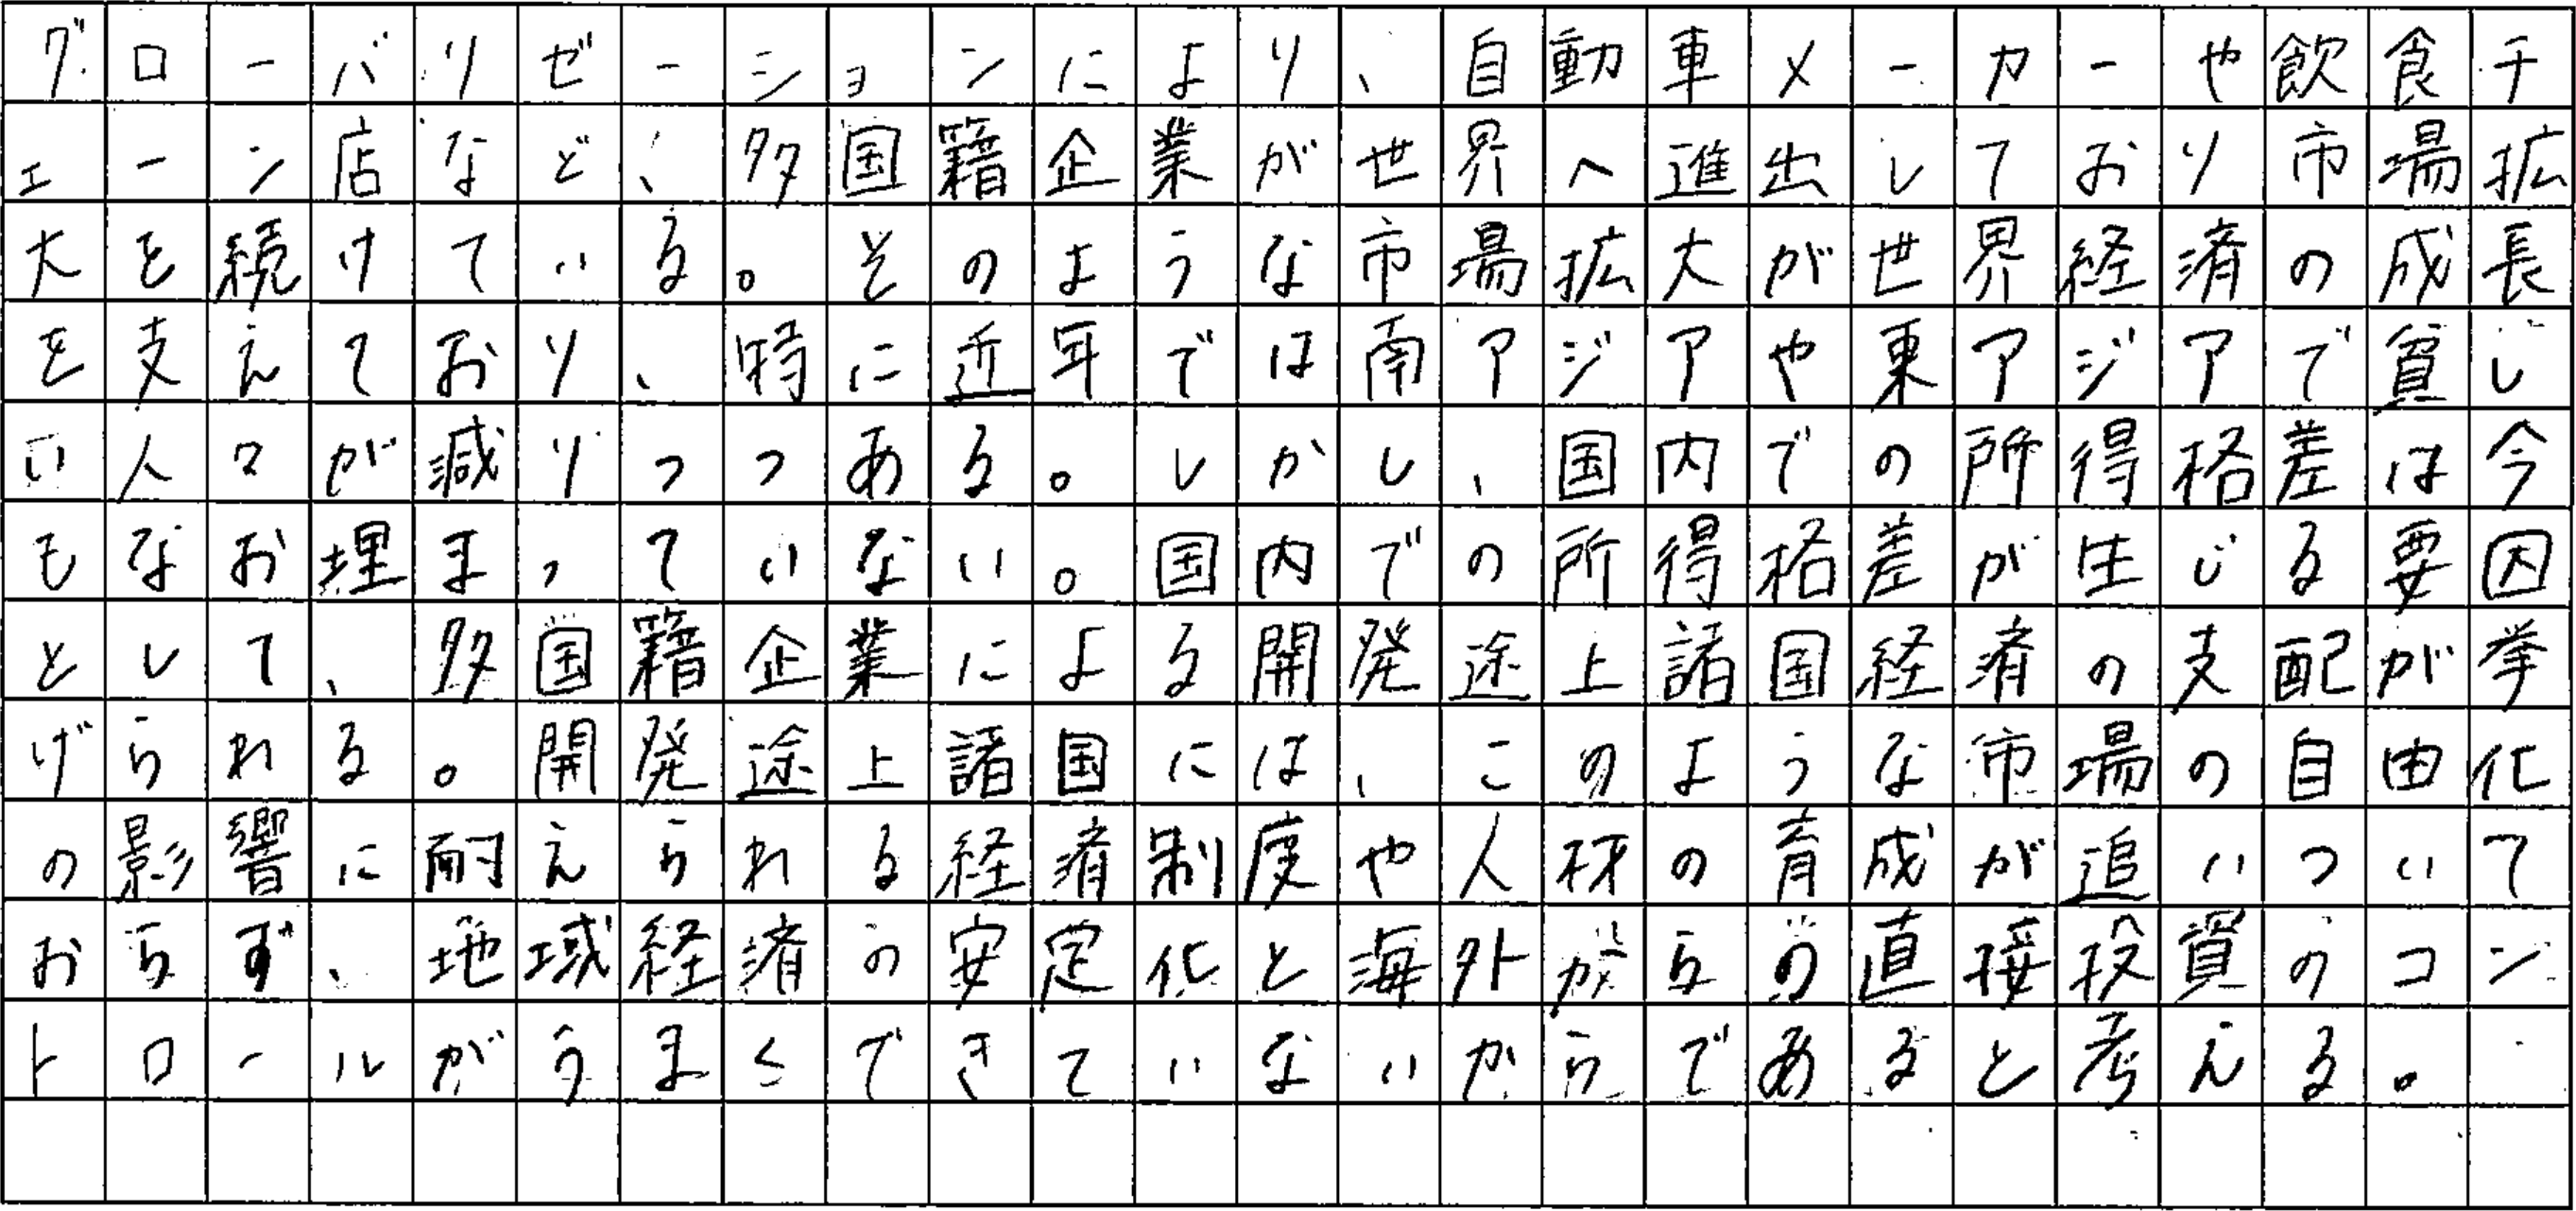グローバリゼーションにより、自動車メーカーや飲食チェーン店など、多国籍企業が世界へ進出しており市場拡大を続けている。そのような市場拡大が世界経済の成長を支えており、特に近年では南アジアや東アジアで貧しい人々が減りつつある。しかし、国内での所得格差は今もなお埋まっていない。国内での所得格差が生じる要因として、多国籍企業による開発途上諸国経済の支配が挙げられる。開発途上諸国には、このような市場の自由化の影響に耐えられる経済制度や人材の育成が追いついておらず、地域経済の安定化と海外からの直接投資のコントロールがうまくできていないからであると考える。
